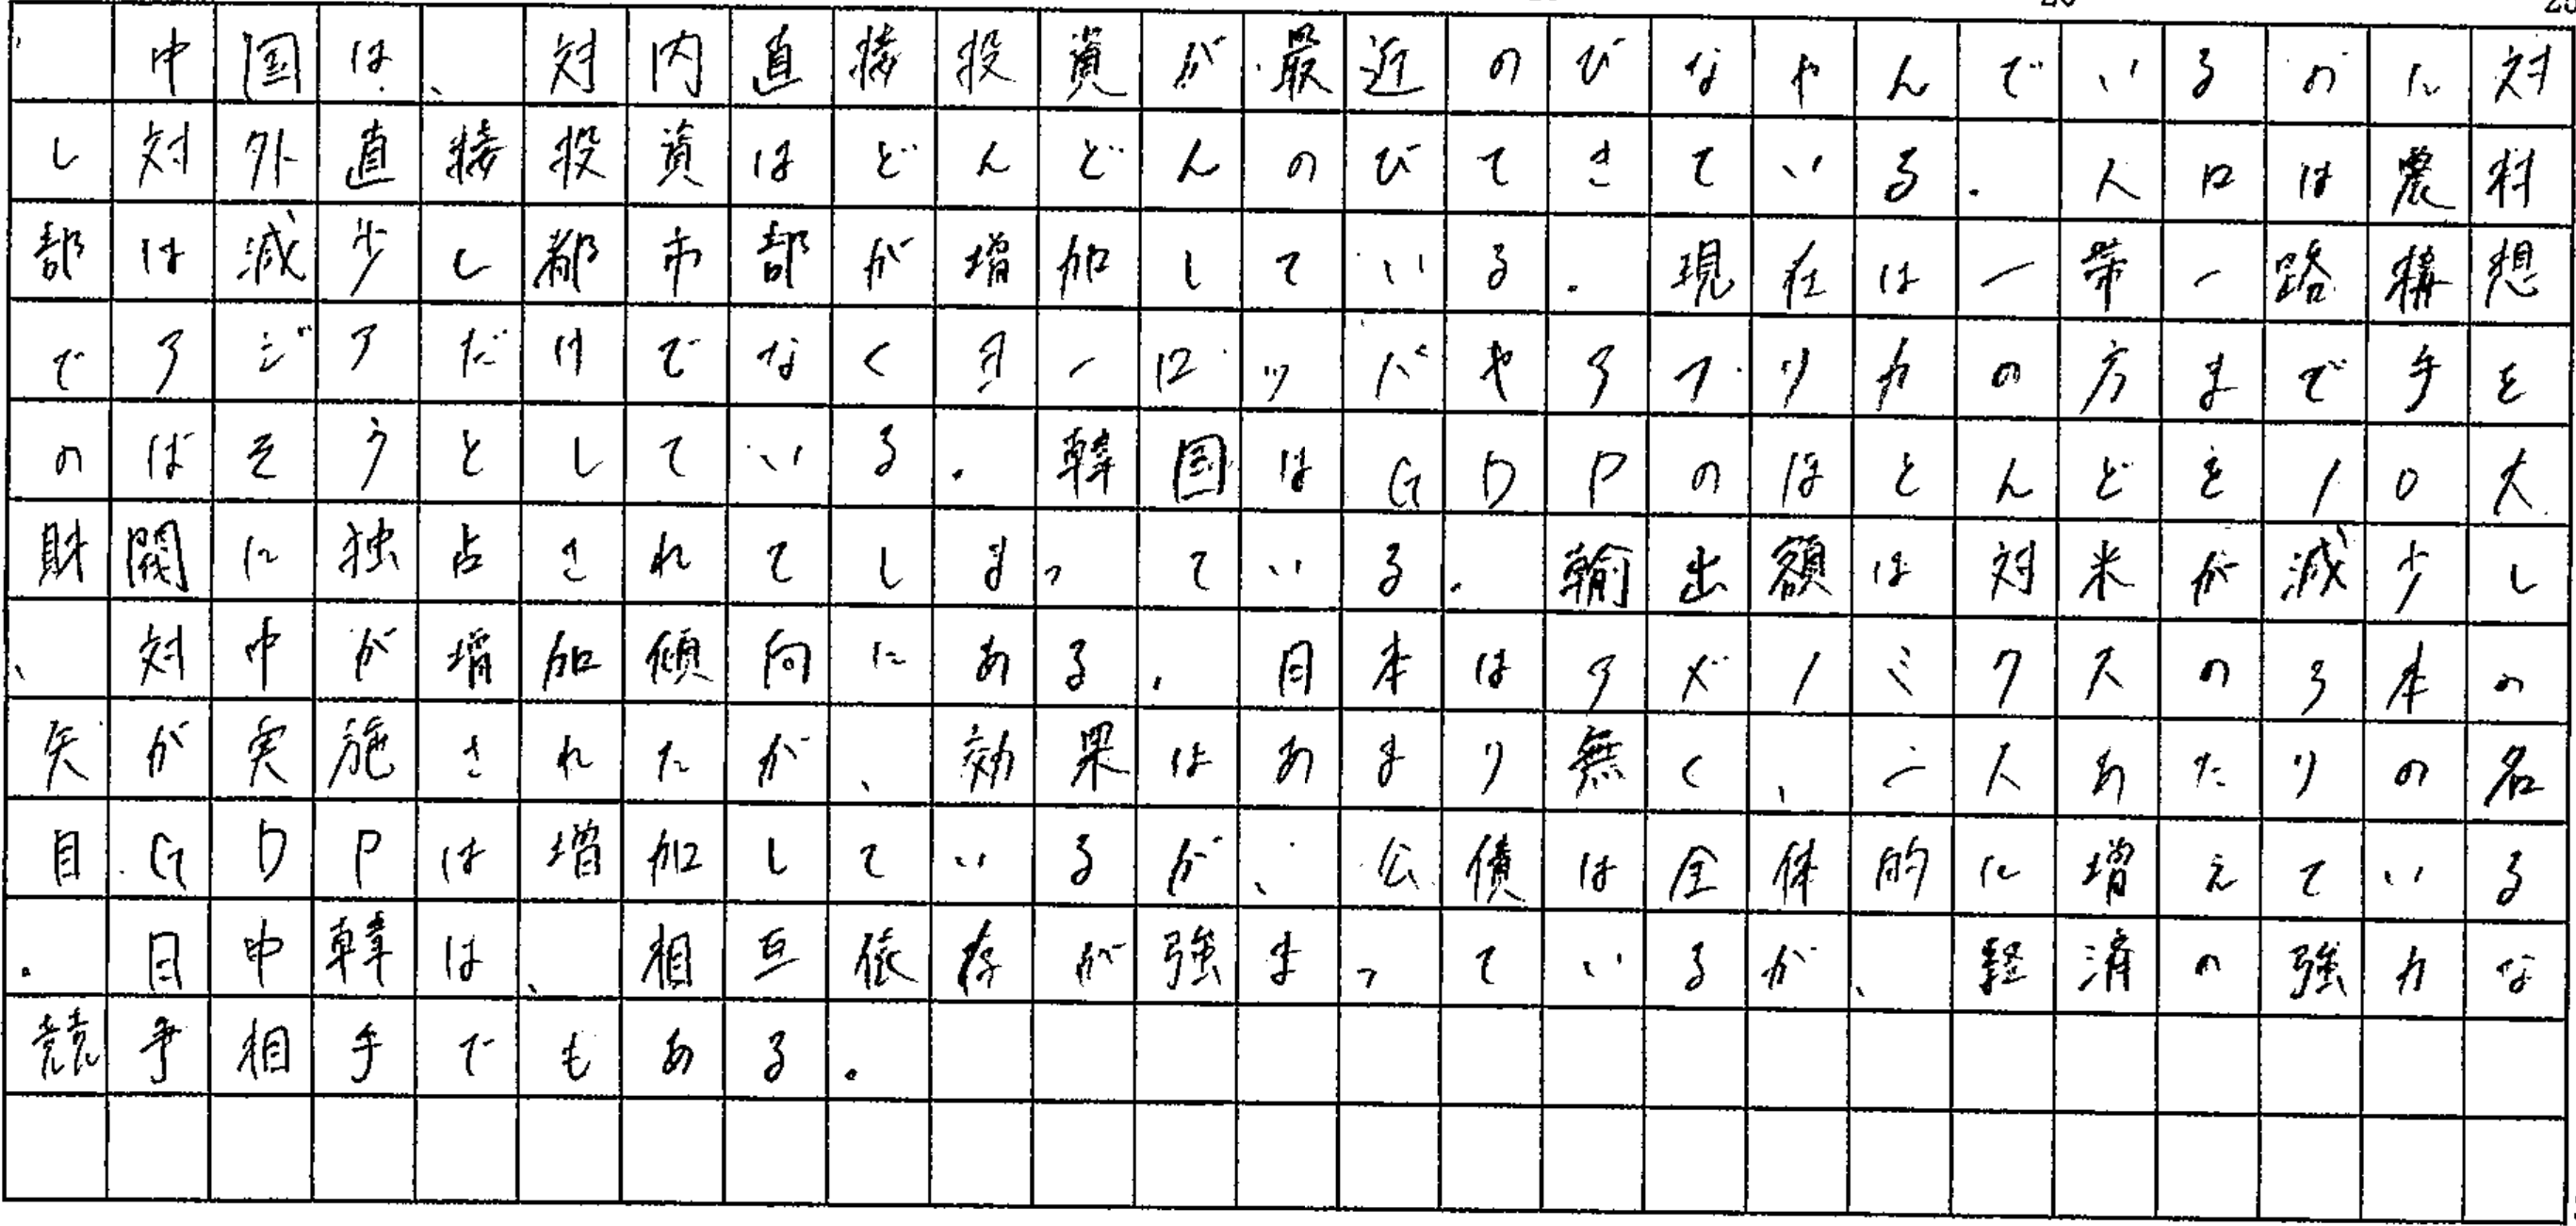　中国は、対内直接投資が最近のびなやんでいるのに対し対外直接投資はどんどんのびてきている。人口は農村部は減少し都市部が増加している。現在は一帯一路構想でアジアだけでなくヨーロッパやアフリカの方まで手をのばそうとしている。韓国はＧＤＰのほとんどを１０大財閥に独占されてしまっている。輸出額は対米が減少し、対中が増加傾向にある。日本はア▁ノミクスの３本の矢が実施されたが、効果はあまり無く、一人あたりの名自ＧＤＰは増加しているが、公債は全体的に増えている。日中韓は、相互依存が強まっているが、経済の強力な競争相手でもある。
